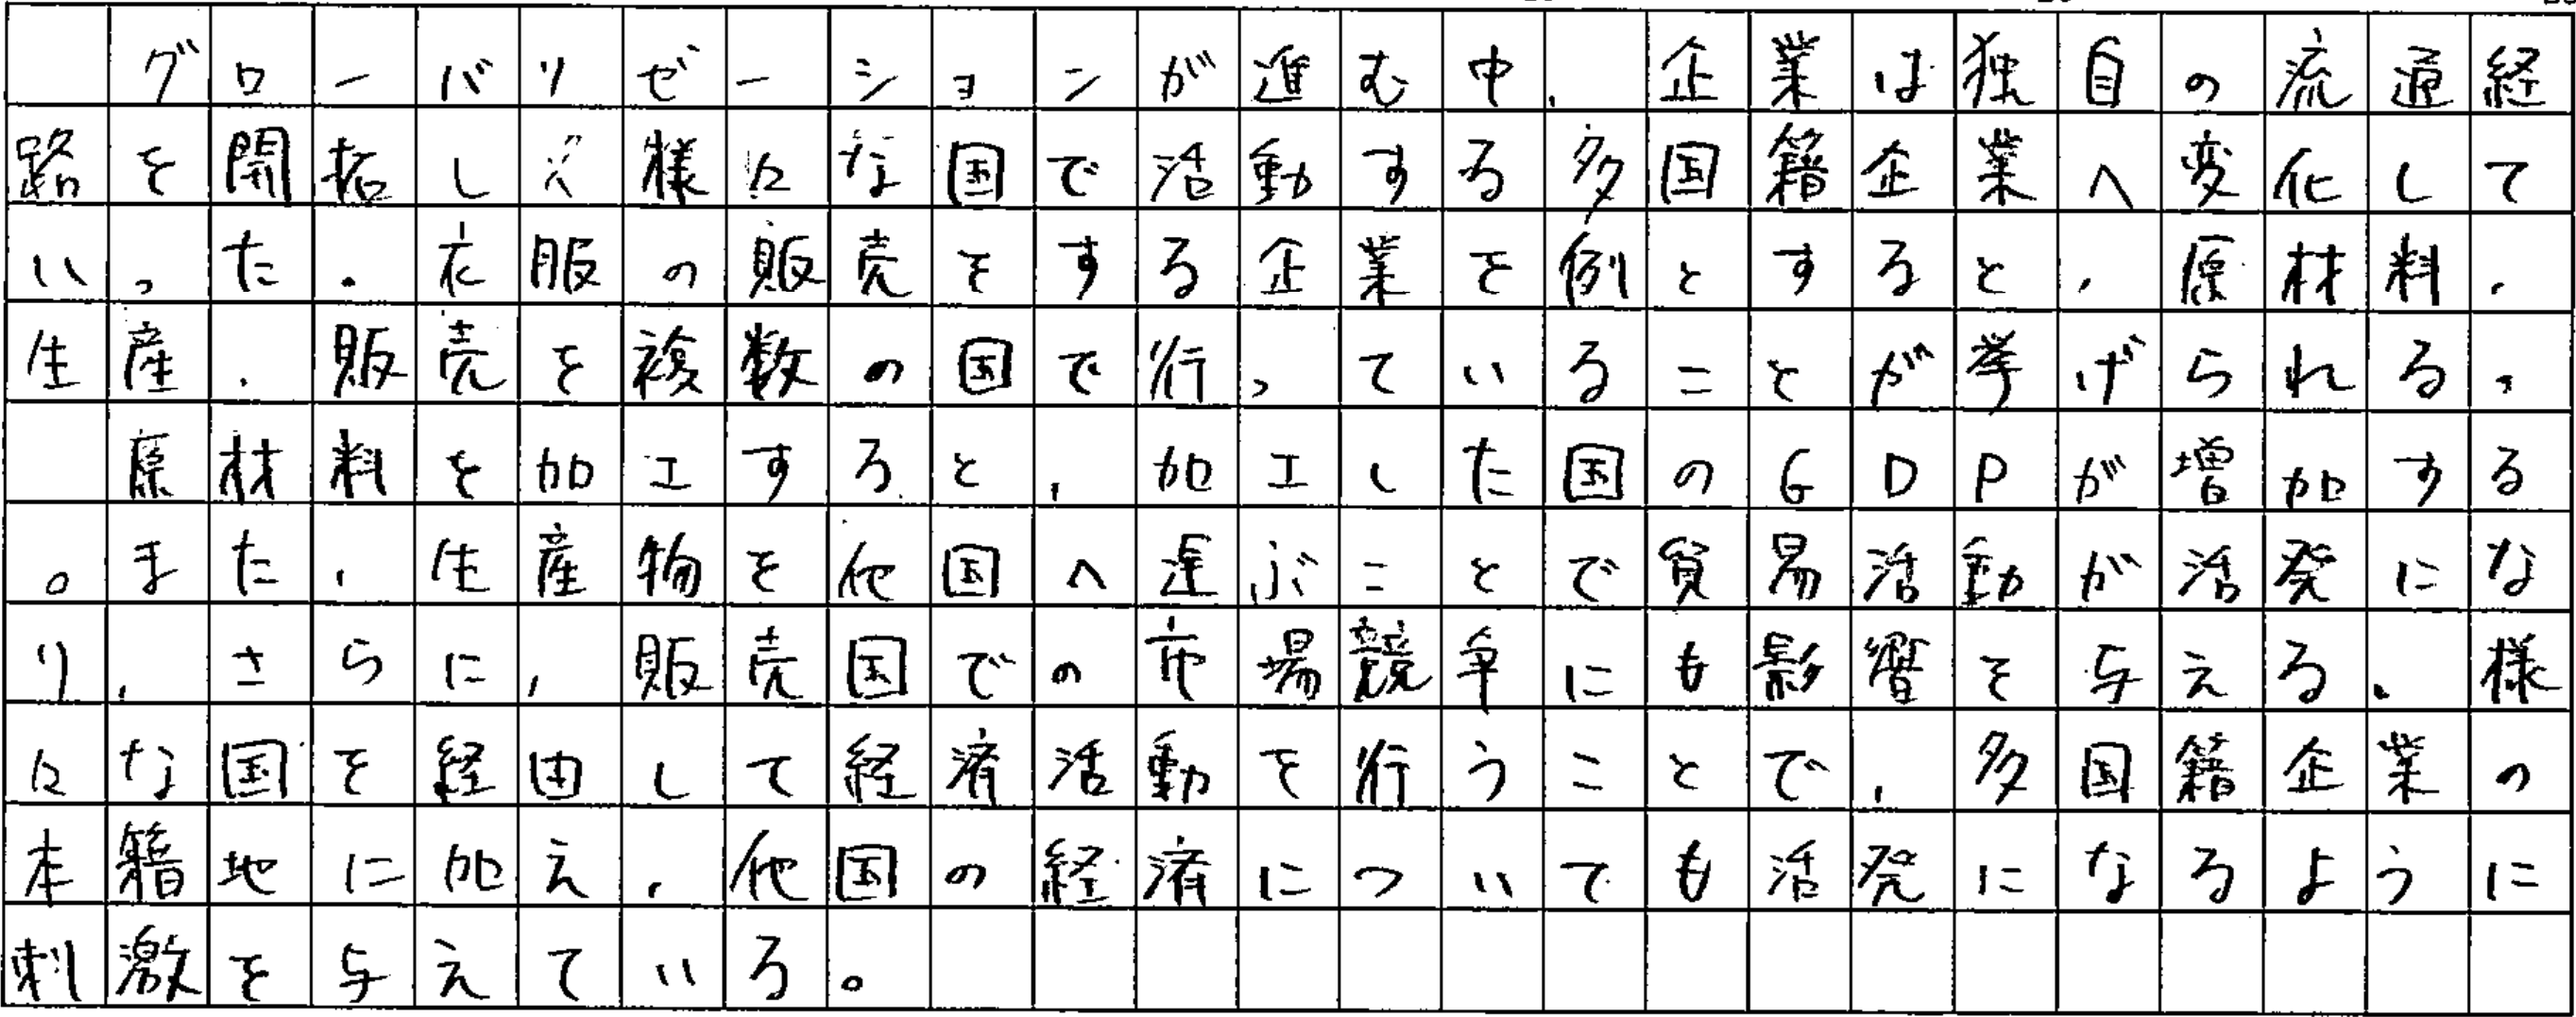　グローバリゼーションが進む中、企業は独自の流通経路を開拓し、様々な国で活動する多国籍企業へ変化していった。衣服の販売をする企業を例とすると、原材料、生産、販売を複数の国で行っていることが挙げられる。
　原材料を加工すると、加工した国のＧＤＰが増加する。また、生産物を他国へ運ぶことで貿易活動が活発になり、さらに、販売国での市場競争にも影響を与える。様々な国を経由して経済活動を行うことで、多国籍企業の本籍地に加え、他国の経済についても活発になるように刺激を与えている。
